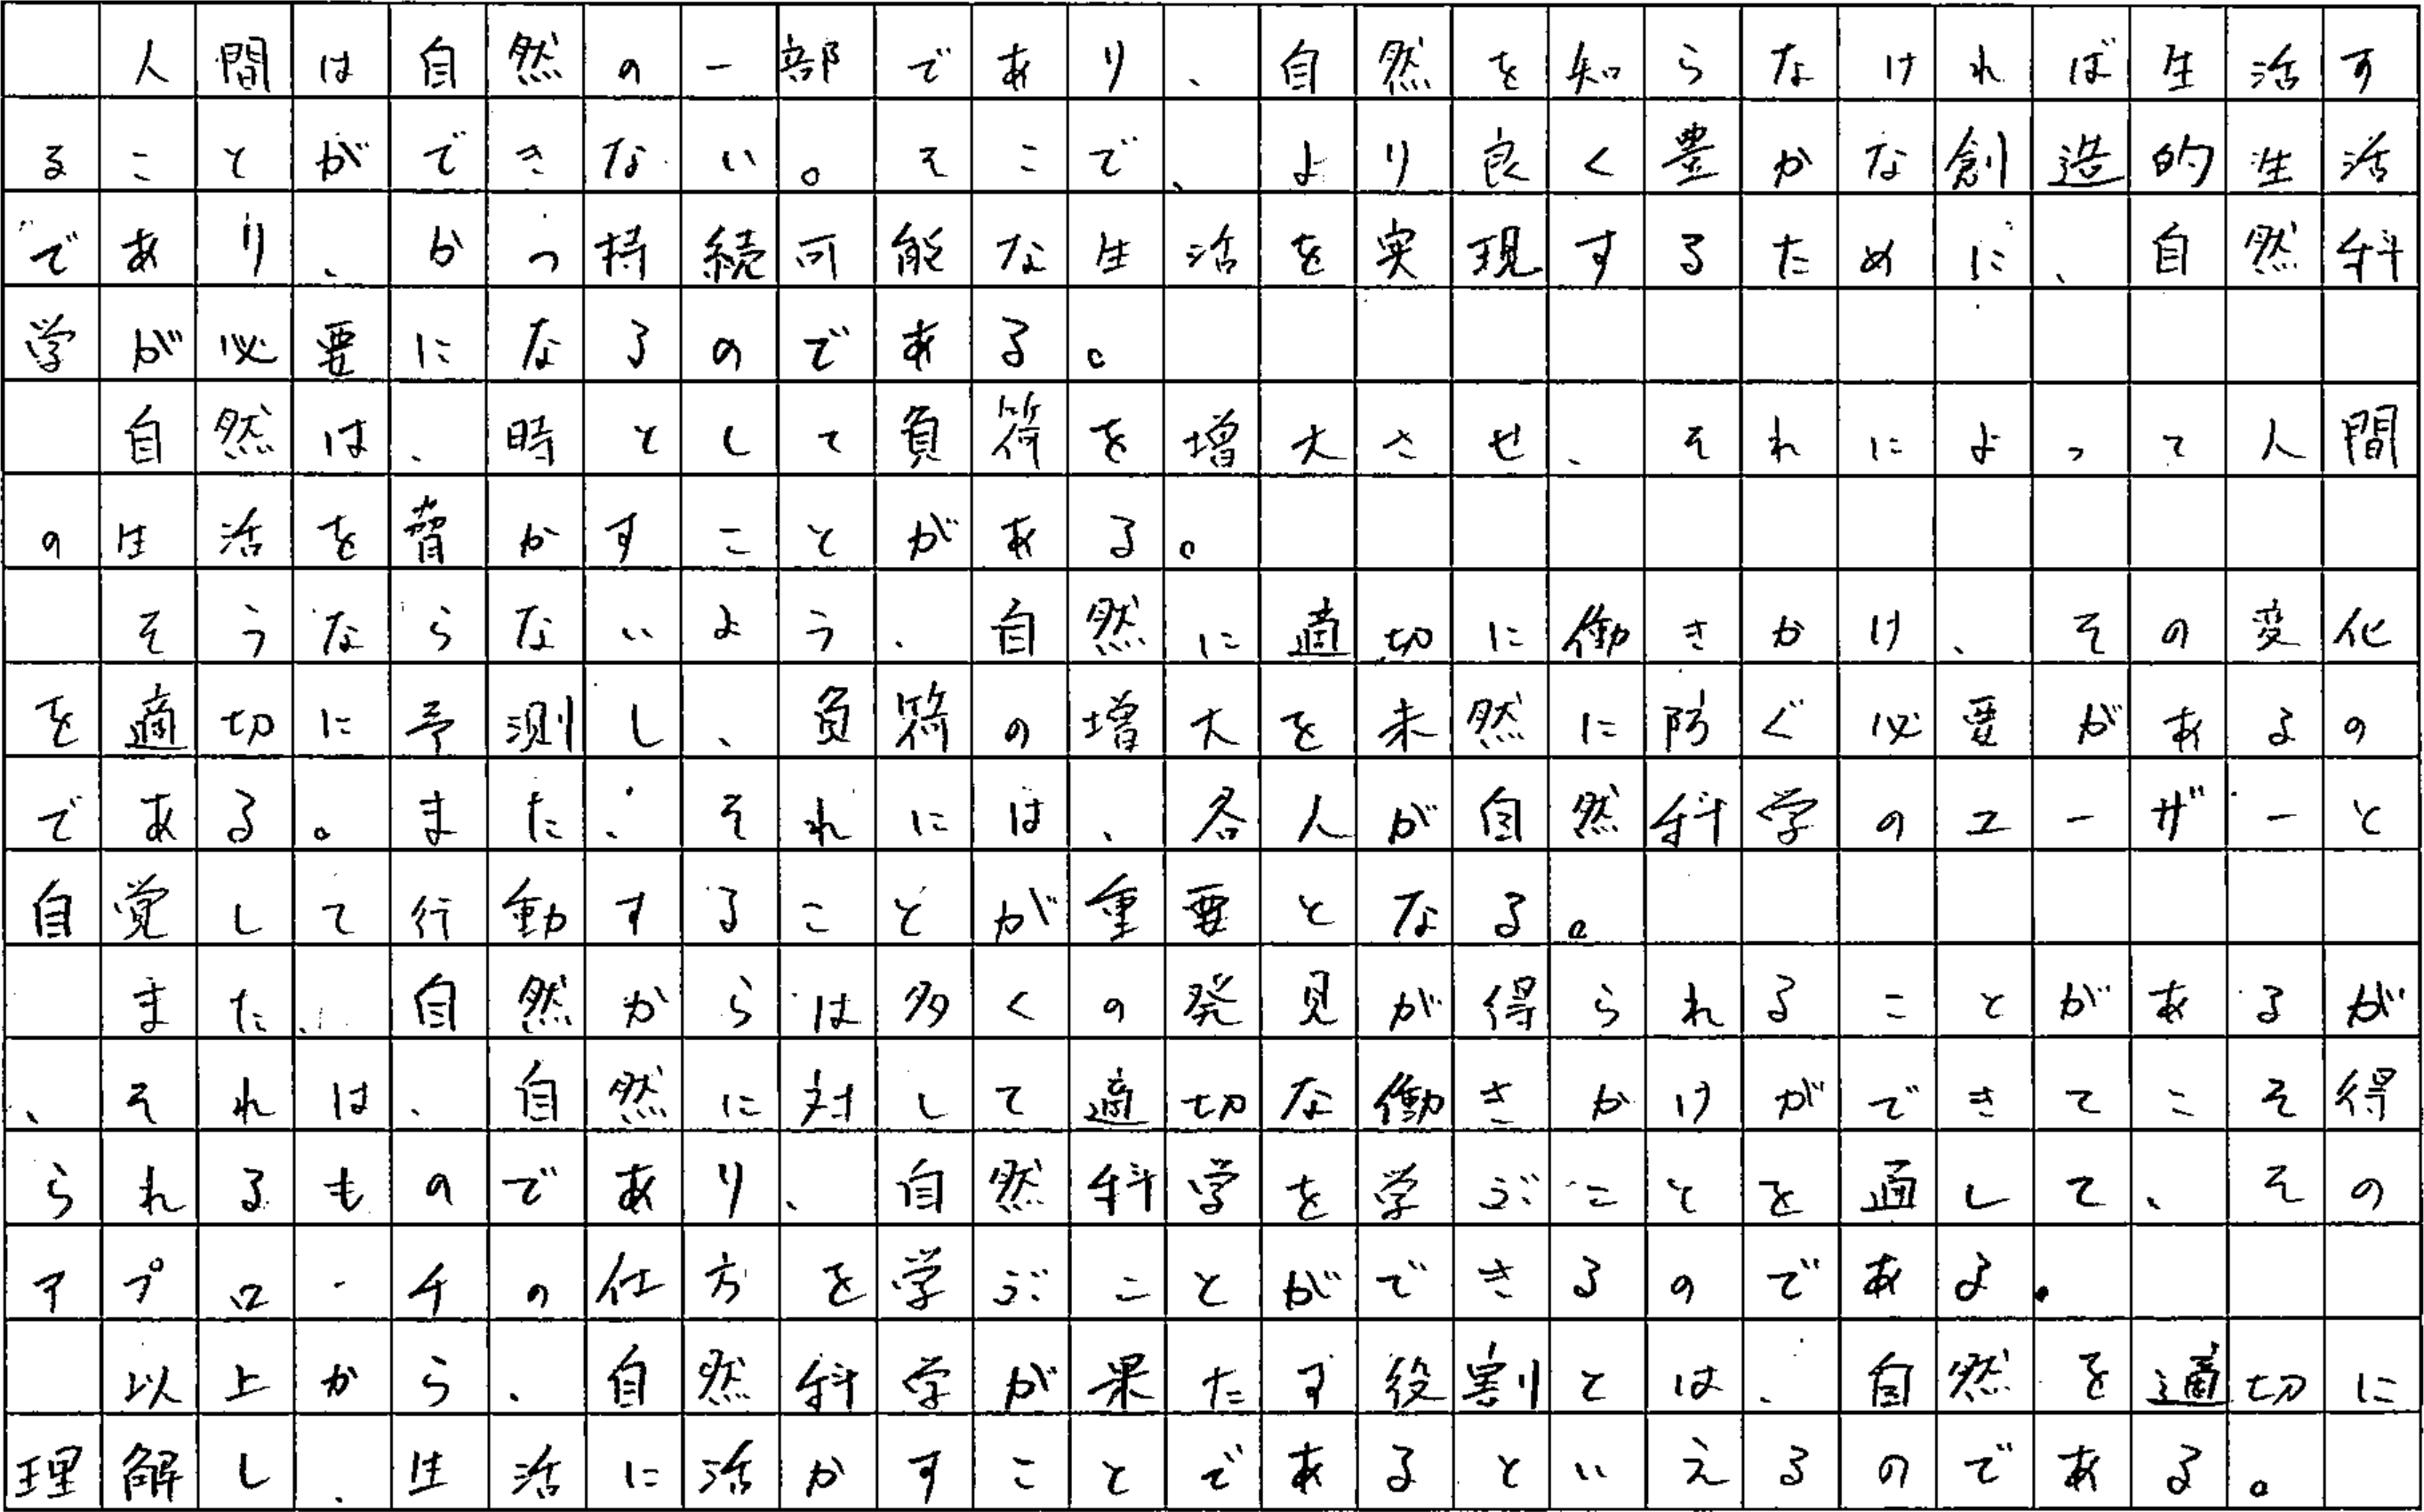　人間は自然の一部であり、自然を知らなければ生活することができない。そこで、より良く豊かな創造的生活であり、かつ持続可能な生活を実現するために、自然条件が必要になるのである。
　自然は、時として負荷を増大させ、それによって人間の生活を脅かすことがある。
　そうならないよう、自然に適切に働きかけ、その変化を適切に予測し、負荷の増大を未然に防ぐ必要があるのである。また、それには、各人が自然科学のユーザーと自覚して行動することが重要となる。
　また、自然からは多くの発見が得られることがあるが、それは、自然に対して適切な働きかけができてこそ得られるものであり、自然科学を学ぶことを通して、そのアプローチの仕方を学ぶことができるのである。
　以上から、自然科学が果たす役割とは、自然を適切に理解し、生活に活かすことであるといえるのである。
